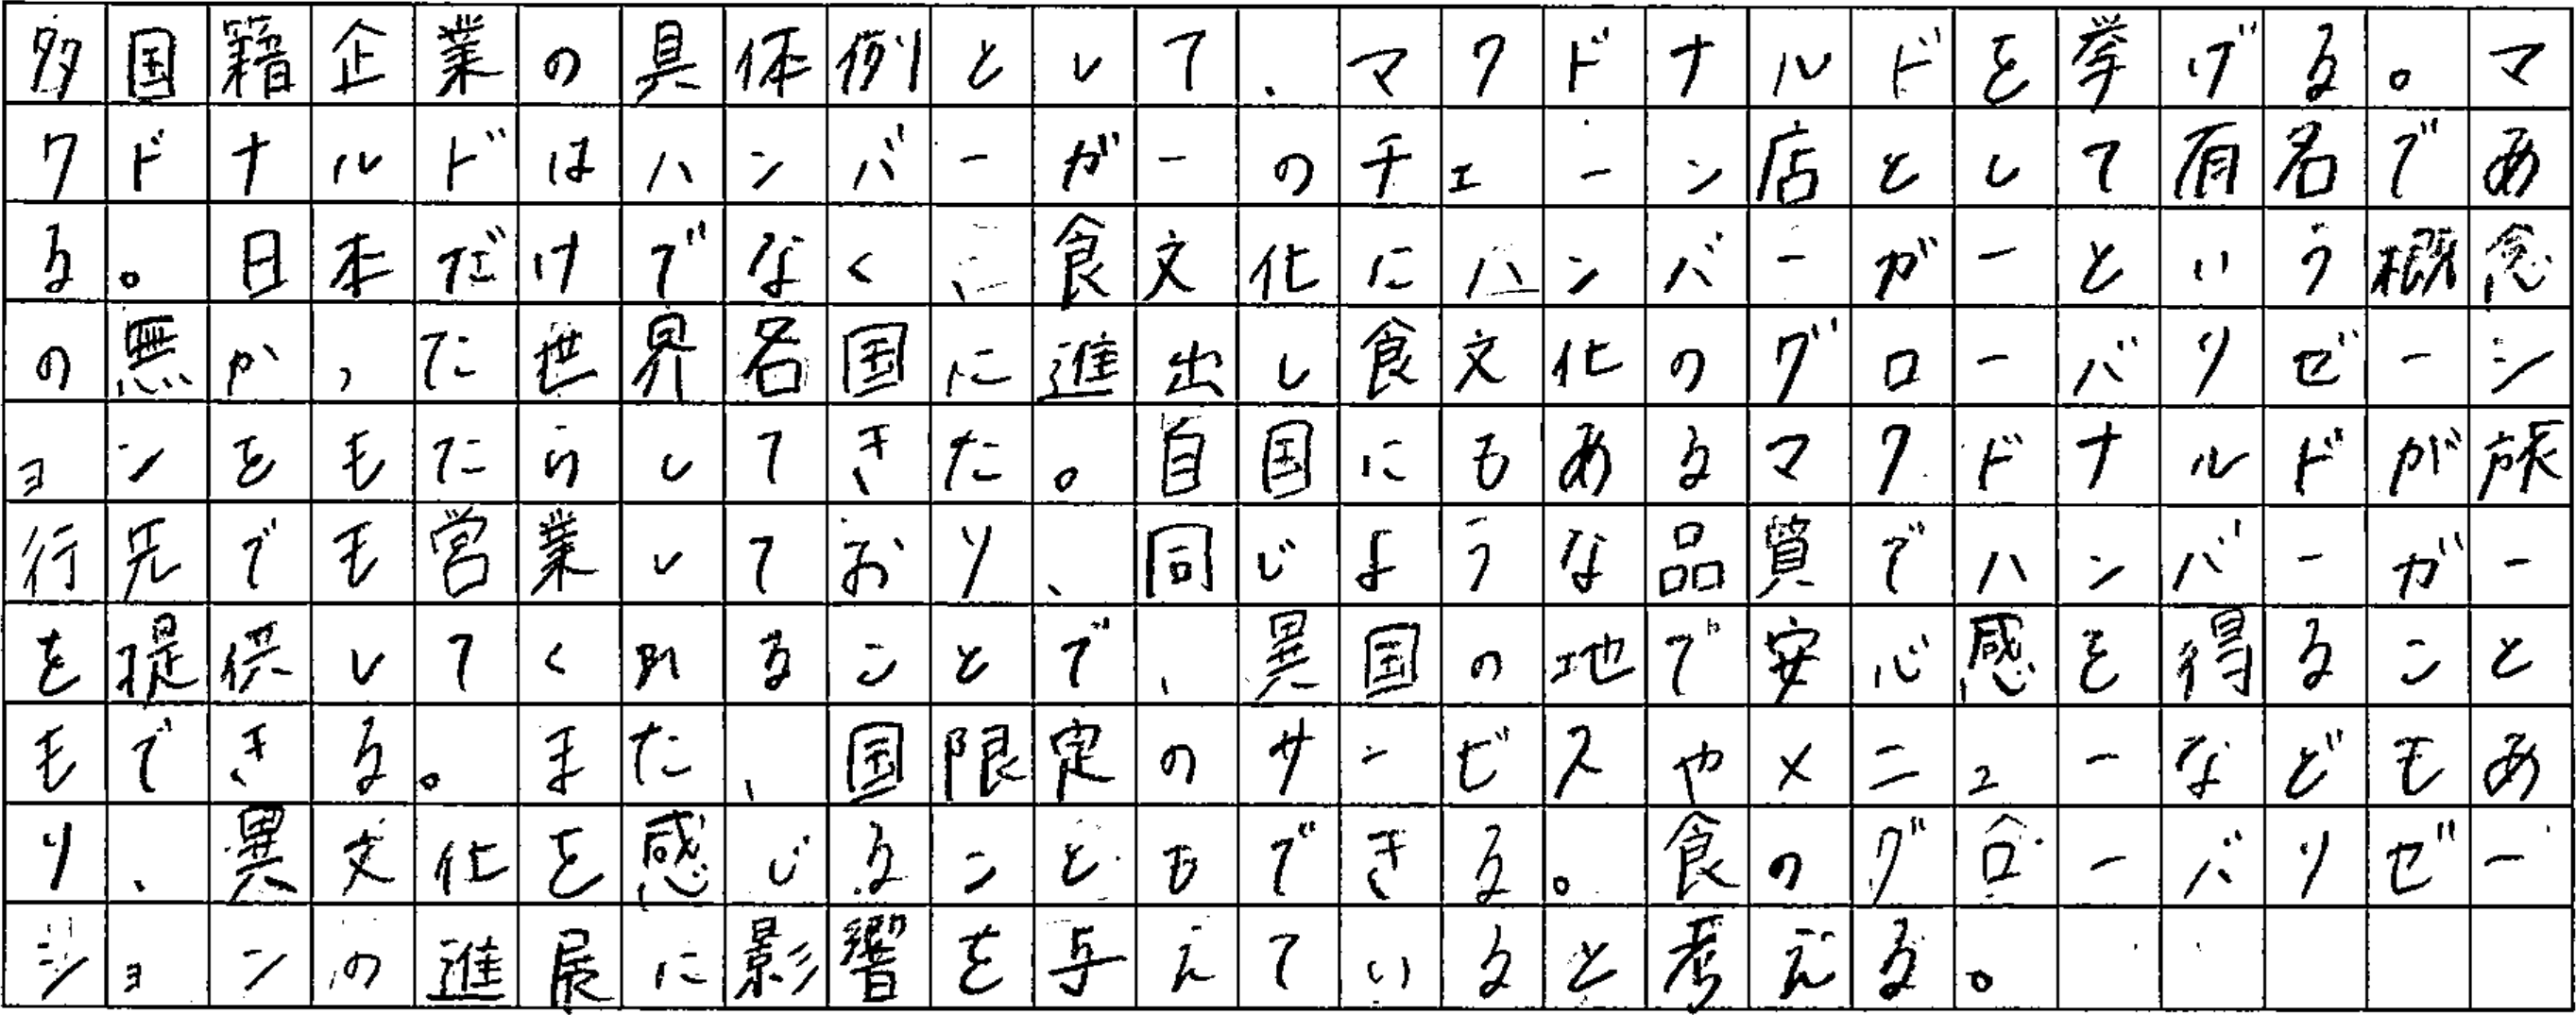多国籍企業の具体例として、マクドナルドを挙げる。マクドナルドはハンバーガーのチェーン店として有名である。日本だけでなく、食文化にハンバーガーという概念の無かった世界各国に進出し食文化のグローバリゼーションをもたらしてきた。自国にあるマクドナルドが旅行先でも営業しており、同じような品質でハンバーガーを提供してくれることで、異国の地で安心感を得ることもできる。また、国限定のサービスやメニューなどもあり、異文化を感じることもできる。食のグローバリゼーションの進展に影響を与えていると考える。
